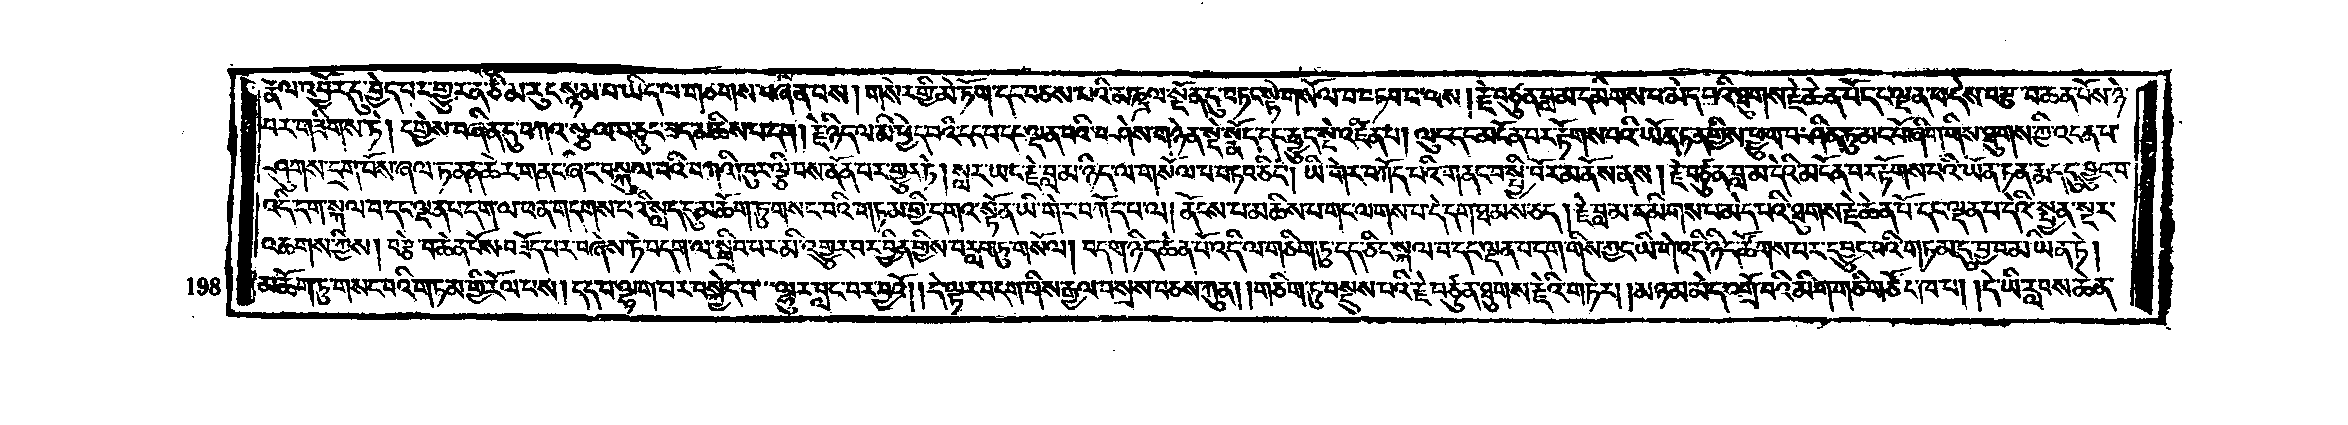རྣལ་འབྱོར་དུ་བྱེད་པར་གྱུར་ན་ཅི་མ་རུང་སྙམ་པ་ཡིད་ལ་གཅགས་བཞིན་པས། གསེར་གྱི་མེ་ཏོག་དང་བཅས་པའི་མཎྜལ་སྔོན་དུ་བཏང་སྟེ་གསོལ་བ་བཏབ་པ་ལས། རྗེ་བཙུན་བླ་མ་དམིགས་པ་མེད་པའི་ཐུགས་རྗེ་ཆེན་པོ་དང་ལྡན་པ་དེས་བརྩེ་བ་ཆེན་པོས་ཉེ་
བར་གཟིགས་ཏེ། དགྱེས་བཞིན་དུ་བཀའ་སྩལ་བ་ཅུང་ཟད་མཆིས་པ་དག །རྗེ་ཉིད་ལ་མི་ཕྱེད་བའི་དད་པ་དང་ལྡན་པའི་བཤེས་གཉེན་སྡེ་སྣོད་དང་རྒྱུད་སྡེ་འཛིན་པ། ལུང་དང་མངོན་པར་རྟོགས་པའི་ཡོན་ཏན་གྱིས་ཕྱུག་བ་ཤིན་ཏུ་མང་པོ་ཞིག་གིས་ཐུགས་ཀྱི་འདན་པ་
ཤུགས་དྲག་པོས་ཞལ་ཏ་ནན་ཆེར་གནང་ཞིང་བསྐུལ་བའི་བཀའི་ཁུར་ལྕི་བས་ནོན་པར་གྱུར་ཏེ། སླར་ཡང་རྗེ་བླ་མ་ཉིད་ལ་གསོལ་པ་བཏབ་ཅིང་། ཡི་གེར་བཀོད་པའི་གནང་བ་སྤྱི་བོར་མནོས་ནས། རྗེ་བཙུན་བླ་མ་དེའི་མངོན་པར་རྟོགས་པའི་ཡོན་ཏན་རྨད་དུ་བྱུང་བ་
འདི་དག་སྐལ་བ་དང་ལྡན་པ་དག་ལ་ཕན་གདགས་པའི་སླད་དུ་མཆོག་ཏུ་གསང་བའི་གཏམ་གྱི་དགའ་སྟོན་ཡི་གེར་བཀོད་པ་ལ། ནོངས་པ་མཆིས་པ་གང་ལགས་པ་དེ་དག་ཐམས་ཅད། རྗེ་བླ་མ་དམིགས་པ་མེད་པའི་ཐུགས་རྗེ་ཆེན་པོ་དང་ལྡན་པ་དེའི་སྤྱན་སྔར་
འཆགས་ཀྱིས། བརྩེ་བ་ཆེན་པོས་བཟོད་པར་བཞེས་ཏེ་བདག་ལ་སྒྲིབ་པར་མི་འགྱུར་བར་བྱིན་གྱིས་བརླབ་ཏུ་གསོལ། བདག་ཉིད་ཆེན་པོ་འདི་ལ་གཅིག་ཏུ་དད་ཅིང་སྐལ་བ་དང་ལྡན་པ་དག་གིས་ཀྱང་ཡི་གེ་འདི་ཉིད་ཚོགས་པར་དབྱུང་བའི་གཏམ་དུ་བྱ་བ་མ་ཡིན་ཏེ།
མཆོག་ཏུ་གསང་བའི་གཏམ་གྱི་རོལ་པས། དད་པ་ལྷག་པར་བསྐྱེད་པ་ལྷུར་བླང་བར་བྱའོ། །དེ་ལྟར་བདག་གིས་རྒྱལ་བ་སྲས་བཅས་ཀུན། །གཅིག་ཏུ་བསྡུས་པའི་རྗེ་བཙུན་ཐུགས་རྗེའི་གཏེར། །མཉམ་མེད་འགྲོ་བའི་མིག་གཅིག་ཙོང་ཁ་པ། །དེ་ཡི་རླབས་ཆེན་